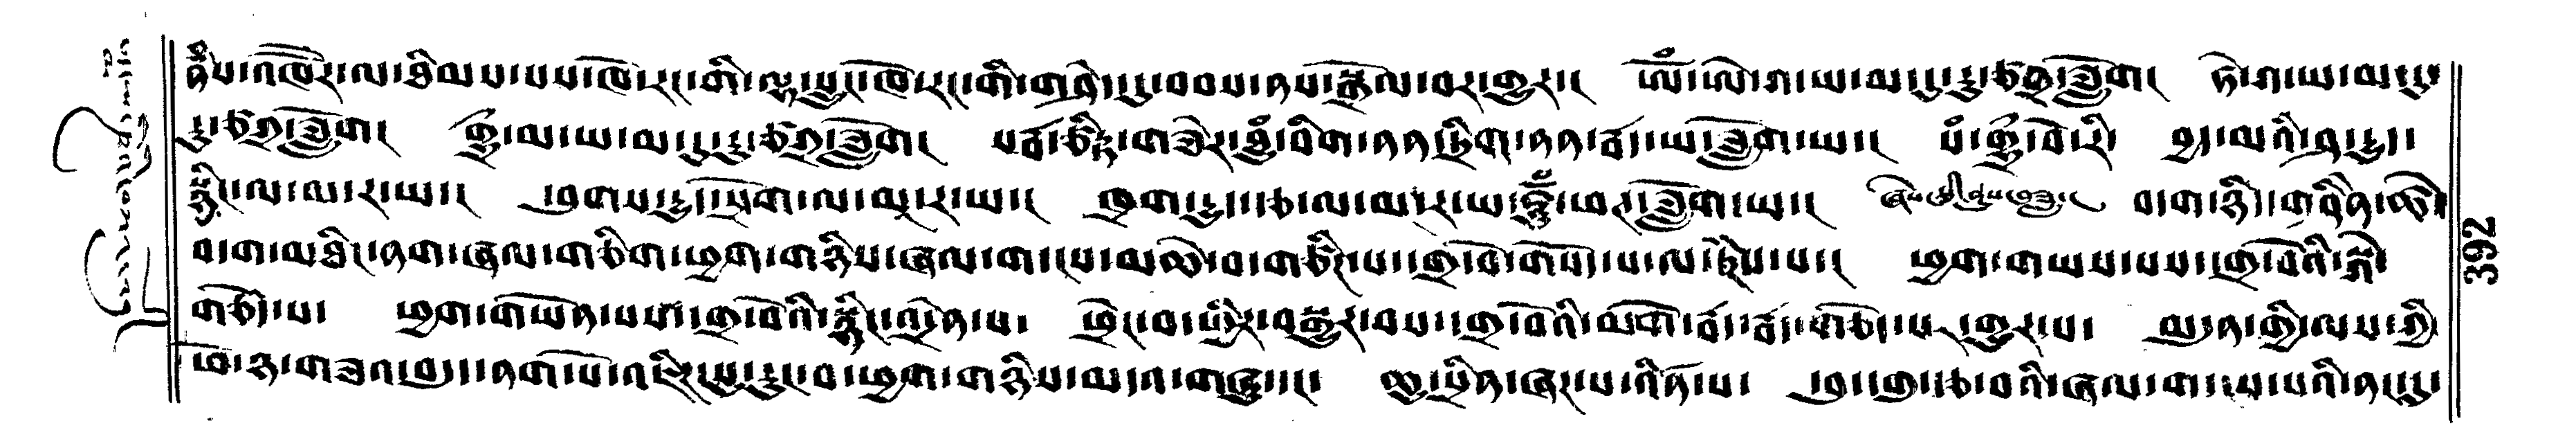རྣམས་འཁོར་ལོ་ལ་ཐིམས་པས་ཁོ་རང་གི་ལྷ་སྲུང་ཁོ་རང་གི་གཤེད་དུ་བབས་ནས་སྒྲོལ་བར་གྱུར།ཨོཾ་ཨེ་ཀ་ཡ་མ་དུ་རུ་ཙཀྲ་ཟློག ཧེ་ཀ་ཡ་མ་དུ་
རུ་ཙཀྲ་ཟློག གྷྲྀ་མ་ཡ་མ་དུ་རུ་ཙཀྲ་ཟློག སརྦ་ཙིཏྟ་གཟེར་ཐུཾ་བིག་ནན་ཏྲིག་ནན་རྦད་ཡ་ཟློག་ཡ། སཾ་གྷྲྀ་བེ་རི། བྱད་མའི་ཤ་རྒྱུད་
སྙིང་ལ་མ་ར་ཡ། དབུགས་རྒྱུད་སྲོག་ལ་མཱ་ར་ཡ། ཁྲག་རྒྱུད་རྩ་ལ་མཱ་ར་ཡ་ཧཱུྂ་ཕཊཿཟློག་ཡ། ཞེས་ཅི་ནུས་བཟླ། བདག་ཉིད་གཤིན་རྗེ་ཚེ་
བདག་མཐིང་ནག་ཞལ་གཅིག་ཕྱག་གཉིས་ཞལ་གདངས་མཆེ་བ་གཙིགས་པ་དགྲ་བོ་གསོད་པ་ལ་རྔམས་པ། ཕྱག་གཡས་པས་དགྲ་བོའི་སྐེ་
གཅོད་པ། ཕྱག་གཡོན་པས་དགྲ་བོའི་སྙིང་འདྲེན་པ། ཕྲེང་བ་ཕྱིར་བསྒྱུར་བས་དགྲ་བོའི་མགོ་རྦད་རྦད་གཅོད་པར་གྱུར་པ། མདུན་གྱི་ལས་ཀྱི་
ཕོ་ཉ་གཟའ་བདུད་ནག་པོ་འཇིགས་སུ་རུང་བ་ཕྱག་གཉིས་མདའ་གཞུ་དང་། ཆུ་སྲིན་ཞགས་པ་འཛིན་པ། དབུ་དགུ་རྩ་བའི་ཞལ་གདངས་པའི་ནང་དུ་